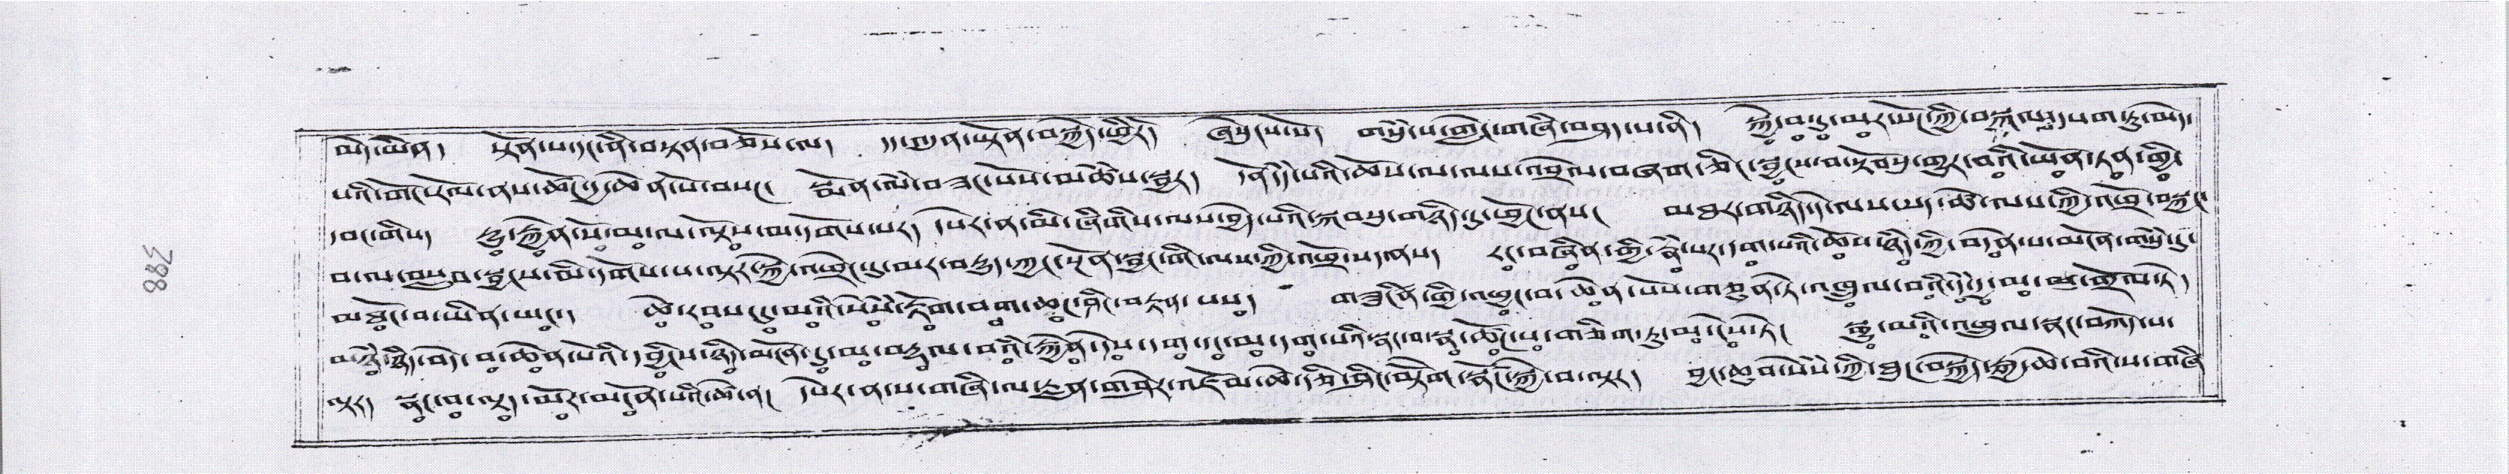མེད་མིན། སྟོན་པ་དང་ནི་བསྟན་བཅོས་ལ། དད་འདུན་ཡོན་ཏན་བསྐྱེད་ཕྱིར་རོ། ཞེས་གསུངས་སོ། གསུམ་པ་གླེང་གཞི་བཤད་པ་ནི། སྐྱེ་བ་དུ་མར་སོགས་ཀྱི་བསྐལ་པ་དཔག་ཏུ་མེད་
པའི་གོང་རོལ་ནས་ཚོགས་རྒྱ་ཆེན་པོ་བསགས། སྨོན་ལམ་བཟང་པོས་མཚམས་སྦྱར། དོན་དམ་པའི་ཆོས་ལ་ལས་འབྲེལ་བཞག་ཅིང་སྦྱངས་པ་སྟོབས་སུ་གྱུར་པའི་ཡོན་ཏན་གྱི་
དབང་གིས། རྒྱུ་རྐྱེན་སོ་ལ་མ་ལྟོས་མ་དགོས་པར་མི་ཞིག་གིས་ལས་བྱེད་པའི་སྐབས་སུ་གཉིད་དུ་ཕྱོགས་ནས། མཐར་གཉིད་དེ་ལས་སད་ཚེ་ལས་ཀྱི་འཕྲོ་བསྐྱངས་
པ་ལ་བསླབ་སྦྱང་མི་དགོས་པ་ལྟར་སྐྱེ་ཕྲེང་དུ་མར་བརྒྱུད་ཀྱང་སྔོན་སྦྱང་གི་ལས་ཀྱི་འཕྲོ་སད་ནས། རང་བཞིན་གྱི་རྣམ་པར་དག་པའི་ཆོས་ཉིད་ཀྱི་བདེན་པ་མངོན་སུམ་དུ་
མཐོང་བ་ཡིན་པ་དང་། ཚེ་རབས་དུ་མའི་སེམས་རྟོག་བག་ཆགས་༼ྀ༽ཤིང་བརྟན་པས། གཟུང་འཛིན་གྱི་འཕྱང་བ་ཆེན་པོས་གཅུན་ཏེ་འཁྲུལ་པའི་དམ་རྒྱ་མ་གྲོལ་ཏེ། 
མཉམ་ཉིད་བདེ་བ་ཆེན་པོའི་དབྱིངས་ཉིད་མངོན་དུ་མ་བརྡལ་བའི་རྐྱེན་དེས་དག་དང་མ་དག་པའི་སྣང་བ་སྣ་ཚོགས་པ་གཅིག་ཏུ་མ་ངེས་ཏེ། སྒྱུ་མའི་འཕྲུལ་སྣང་བཀོད་པ་
ལྟར། སྣང་བ་ལྟད་མོར་མངོན་པའི་ཚེ་ན། དཔེར་ན་ས་གཞི་ལ་བརླན་གཤེར་འཛོམས་ཚེ་རྩི་ཤིང་མེ་ཏོག་སྣ་ཚོགས་སྐྱེ་བ་ལྟར། བྱང་ཆུབ་སེམས་ཀྱི་ཐུགས་བསྐྱེད་རྒྱ་ཆེ་བའི་ས་གཞི་